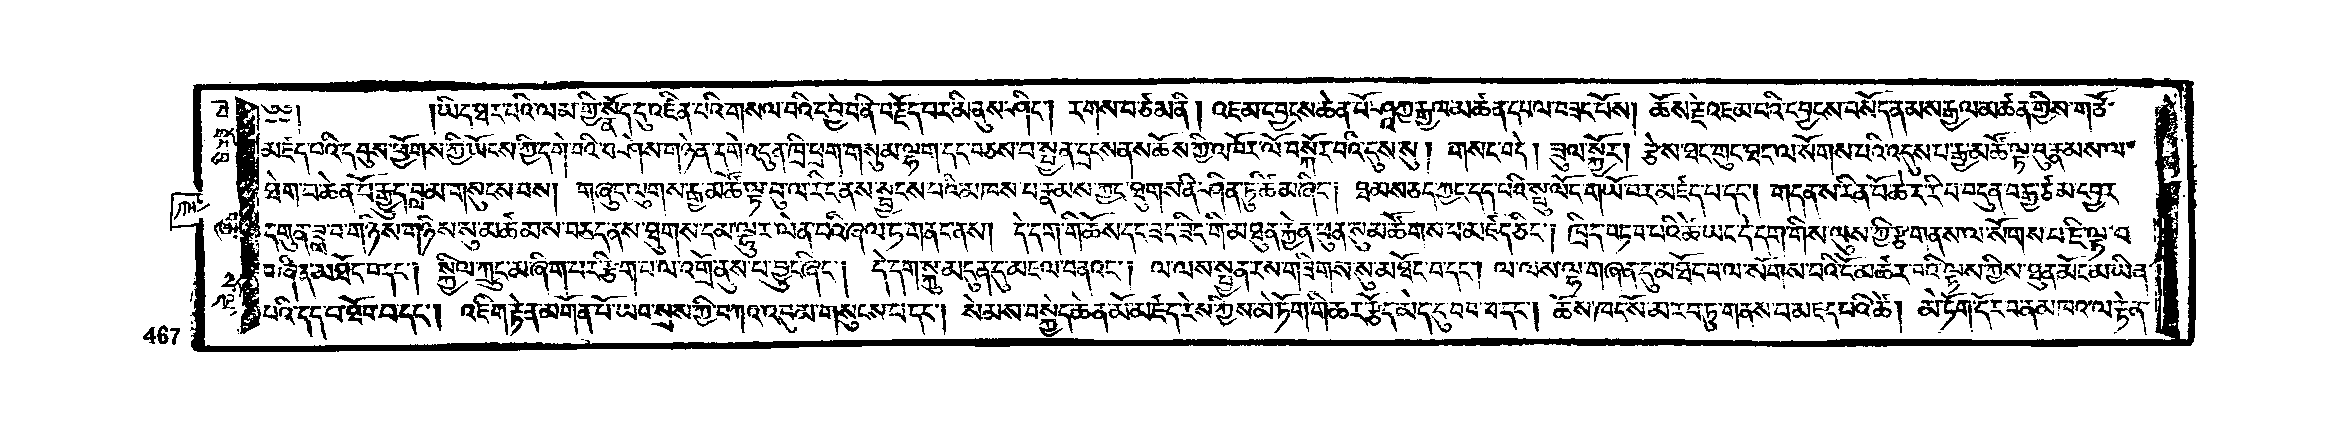༄༅། །ཡིད་ཐར་པའི་ལམ་གྱི་སྣོད་དུ་འཛིན་པའི་གསལ་བའི་དབྱེ་བ་ནི་བརྗོད་པར་མི་ནུས་ཤིང་། རགས་པ་ཙམ་ནི། འཇམ་དབྱངས་ཆེན་པོ་ཤཱཀྱ་རྒྱལ་མཚན་དཔལ་བཟང་པོས། ཆོས་རྗེ་འཇམ་པའི་དབྱངས་བསོད་ནམས་རྒྱལ་མཚན་གྱིས་གཙོ་
མཛད་པའི་དབུས་ཕྱོགས་ཀྱི་ཡོངས་ཀྱི་དགེ་བའི་བཤེས་གཉེན་དགེ་འདུན་ཁྲི་ཕྲག་གསུམ་ལྷག་དང་བཅས་པ་སྤྱན་དྲངས་ནས་ཆོས་ཀྱི་འཁོར་ལོ་བསྐོར་བའི་དུས་སུ། གསང་བདེ། ཟུལ་སྐྱོར། རྩེས་ཐང་གུང་ཐང་ལ་སོགས་པའི་འདུས་པ་རྒྱ་མཚོ་ལྟ་བུ་རྣམས་ལ་
ཐེག་པ་ཆེན་པོ་རྒྱུད་བླ་མ་གསུངས་པས། གཞུང་ལུགས་རྒྱ་མཚོ་ལྟ་བུ་ལ་རིང་ནས་སྦྱངས་པའི་མཁས་པ་རྣམས་ཀྱང་ཐུགས་ནི་ཤིན་ཏུ་ཚིམ་ཞིང་། ཐམས་ཅད་ཀྱང་དད་པའི་སྤུ་ལོང་གཡོ་བར་མཛད་པ་དང་། གདན་ས་རིན་པོ་ཆེར་རི་པ་བདུན་བརྒྱ་ཙམ་དབྱར་
དགུན་ཟླ་བ་གཉིས་གཉིས་སུ་མཚམས་བཅད་ནས་ཐུགས་དམ་ལྷུར་ལེན་པའི་ཞལ་ཏ་གནང་ནས། དེ་དག་གི་ཆོས་དང་ཟང་ཟིང་གི་མཐུན་རྐྱེན་ཕུན་སུམ་ཚོགས་པ་མཛད་ཅིང་། ཁྲིད་བཏབ་པའི་ཚེ་ཡང་དེ་དག་གིས་ལུས་ཀྱི་རྩ་གནས་ལ་སོགས་པ་ཇི་ལྟ་བ་
བཞིན་མཐོང་བ་དང་། སྐྱིལ་ཀྲུང་མ་ཞིག་པར་རྩིག་པ་ལ་འགྲོ་ནུས་པ་བྱུང་ཞིང་། དེ་དག་སྐུ་མདུན་དུ་མཇལ་བ་ནའང་། ལ་ལས་སྤྱན་རས་གཟིགས་སུ་མཐོང་བ་དང་། ལ་ལས་ལྷ་གཞན་དུ་མཐོང་བ་ལ་སོགས་པའི་ངོ་མཚར་བའི་ལྟས་ཀྱིས་ཐུན་མོང་མ་ཡིན་
པའི་དད་པ་ཐོབ་པ་དང་། འཇིག་རྟེན་མགོན་པོ་ཡབ་སྲས་ཀྱི་བཀའ་འབུམ་གསུངས་པ་དང་། སེམས་བསྐྱེད་ཆེན་མོ་མཛད་རེས་ཀྱི་མེ་ཏོག་གི་ཆར་རྩོད་མེད་དུ་བབ་པ་དང་། ཆོས་ཁང་སོ་མ་རབ་ཏུ་གནས་པ་མཛད་པའི་ཚེ། མེ་ཏོག་དོར་བ་ནམ་མཁའ་ལ་རྟེན་